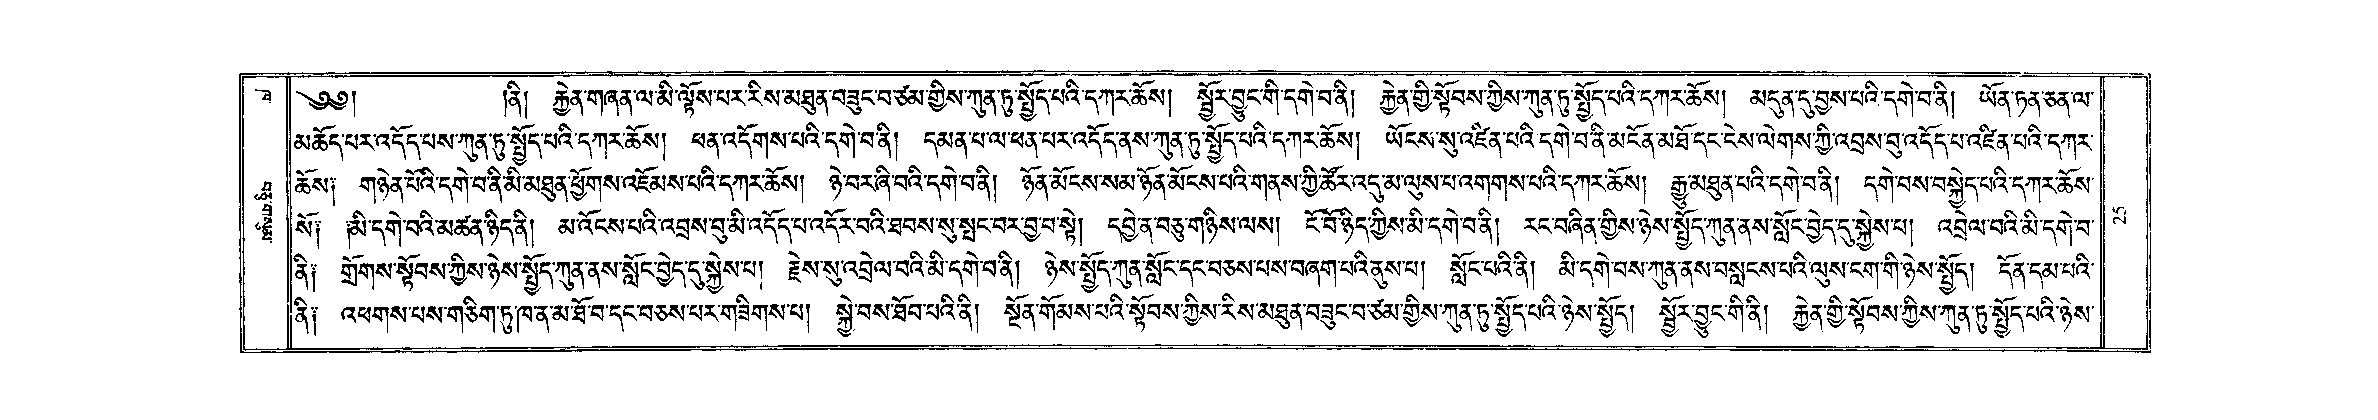༄༅། །ནི། རྐྱེན་གཞན་ལ་མི་ལྟོས་པར་རིས་མཐུན་བཟུང་བ་ཙམ་གྱིས་ཀུན་ཏུ་སྤྱོད་པའི་དཀར་ཆོས། སྦྱོར་བྱུང་གི་དགེ་བ་ནི། རྐྱེན་གྱི་སྟོབས་ཀྱིས་ཀུན་ཏུ་སྤྱོད་པའི་དཀར་ཆོས། མདུན་དུ་བྱས་པའི་དགེ་བ་ནི། ཡོན་ཏན་ཅན་ལ་
མཆོད་པར་འདོད་པས་ཀུན་ཏུ་སྤྱོད་པའི་དཀར་ཆོས། ཕན་འདོགས་པའི་དགེ་བ་ནི། དམན་པ་ལ་ཕན་པར་འདོད་ནས་ཀུན་ཏུ་སྤྱོད་པའི་དཀར་ཆོས། ཡོངས་སུ་འཛིན་པའི་དགེ་བ་ནི་མངོན་མཐོ་དང་ངེས་ལེགས་ཀྱི་འབྲས་བུ་འདོད་པ་འཛིན་པའི་དཀར་
ཆོས༑ གཉེན་པོའི་དགེ་བ་ནི་མི་མཐུན་ཕྱོགས་འཇོམས་པའི་དཀར་ཆོས། ཉེ་བར་ཞི་བའི་དགེ་བ་ནི། ཉོན་མོངས་སམ་ཉོན་མོངས་པའི་གནས་ཀྱི་ཚོར་འདུ་མ་ལུས་པ་འགགས་པའི་དཀར་ཆོས། རྒྱུ་མཐུན་པའི་དགེ་བ་ནི། དགེ་བས་བསྐྱེད་པའི་དཀར་ཆོས་
སོ༑ ༑མི་དགེ་བའི་མཚན་ཉིད་ནི། མ་འོངས་པའི་འབྲས་བུ་མི་འདོད་པ་འདོར་བའི་ཐབས་སུ་སྤང་བར་བྱ་བ་སྟེ། དབྱེ་ན་བཅུ་གཉིས་ལས། ངོ་བོ་ཉིད་ཀྱིས་མི་དགེ་བ་ནི། རང་བཞིན་གྱིས་ཉེས་སྤྱོད་ཀུན་ནས་སློང་བྱེད་དུ་སྐྱེས་པ། འབྲེལ་བའི་མི་དགེ་བ་
ནི༑ གྲོགས་སྟོབས་ཀྱིས་ཉེས་སྤྱོད་ཀུན་ནས་སློང་བྱེད་དུ་སྐྱེས་པ། རྗེས་སུ་འབྲེལ་བའི་མི་དགེ་བ་ནི། ཉེས་སྤྱོད་ཀུན་སློང་དང་བཅས་པས་བཞག་པའི་ནུས་པ། སློང་པའི་ནི། མི་དགེ་བས་ཀུན་ནས་བསླངས་པའི་ལུས་ངག་གི་ཉེས་སྤྱོད། དོན་དམ་པའི་
ནི༑ འཕགས་པས་གཅིག་ཏུ་ཁ་ན་མ་ཐོ་བ་དང་བཅས་པར་གཟིགས་པ། སྐྱེ་བས་ཐོབ་པའི་ནི། སྔོན་གོམས་པའི་སྟོབས་ཀྱིས་རིས་མཐུན་བཟུང་བ་ཙམ་གྱིས་ཀུན་ཏུ་སྤྱོད་པའི་ཉེས་སྤྱོད། སྦྱོར་བྱུང་གི་ནི། རྐྱེན་གྱི་སྟོབས་ཀྱིས་ཀུན་ཏུ་སྤྱོད་པའི་ཉེས་